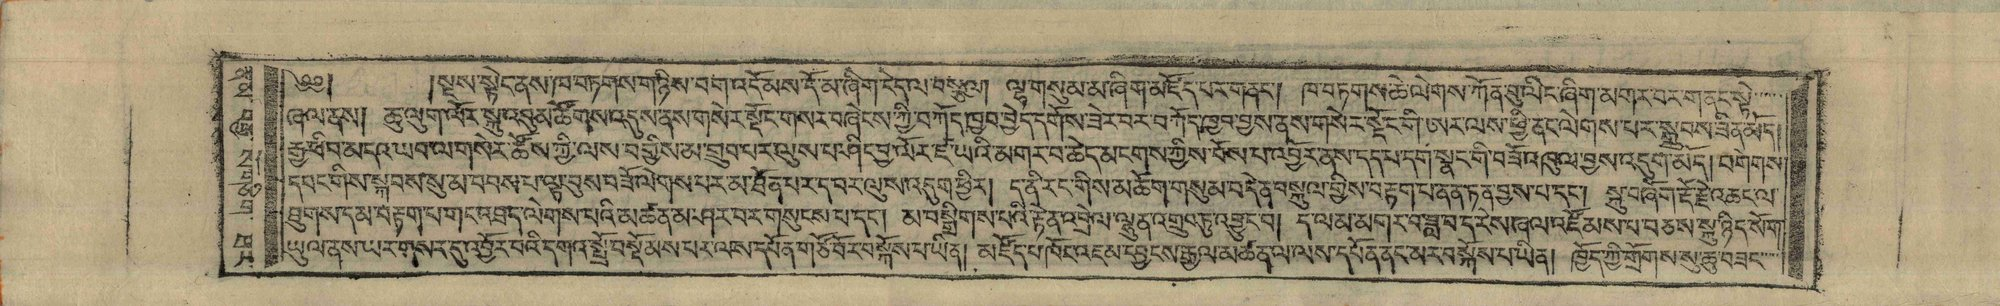༄༅། །སྔས་སྟེང་ནས་ཁ་བཏགས་གཉིས་བག་འདོམས་དོ་མ་ཞིག་ངེད་ལ་བསྩལ། ལྷ་གསུམ་མ་ཞིག་མཛོད་པར་གནང་། ཁ་བཏགས་ཆེ་ལེགས་ཀོན་བུ་ལིང་ཞིག་མགར་བར་གནང་སྟེ་
ཞལ་ནས། ཆུ་ལུག་ལོར་སྐུ་འབུམ་ཚོགས་འདུས་ནས་གསེར་སྡོང་གསར་བཞེངས་ཀྱི་བཀོད་ཁྱབ་བྱེད་དགོས་ཟེར་བར་བཀོད་ཁྱབ་བྱས་ནས་གསེར་སྡོང་གི་ཨར་ལས་ཕྱི་ནང་ལེགས་པར་སྒྲུབས་ཟིན་མོད།
རྒྱ་ཕིབ་མདའ་ཡབ་ལ་གསེར་ཚོས་ཀྱི་ལས་བགྱིས་མ་གྲུབ་པར་ལུས་པ་ཤིང་བྱ་ལོར་ཛ་ཡའི་མགར་བ་ཆེད་མངགས་ཀྱིས་བོས་པ་འབྱོར་ནས་དད་པ་དག་སྣང་གི་བཟོ་འཁུལ་བྱས་འདུག་མོད། བགེགས་
དབང་གིས་སྐབས་སུ་མ་བབས་པ་ལྟ་བུས་བཟོ་ལེགས་པར་མ་ཐོན་པར་ད་བར་ལུས་འདུག་ཕྱིར། ད་ནི་རང་གིས་མཆོག་གསུམ་བདེན་བསྐུལ་གྱིས་བརྟག་པ་ནན་ཏན་བྱས་པ་དང་། སྐུ་བཞོག་རྡོ་རྗེ་འཆང་ལ་
ཐུགས་དམ་བརྟག་པ་གང་འཐད་ལེགས་པའི་མཚན་མ་ཤར་བར་གསུངས་པ་དང་། མ་བསྒྲིགས་པའི་རྟེན་འབྲེལ་ལྷུན་འགྲུབ་ཏུ་འབྱུང་བ། ད་ལམ་མགར་བ་ཟླ་བ་ད་རེས་ཞལ་འཛོམས་པ་བཅས་སྐུ་ཉིད་སོག་
ཡུལ་ནས་ཡར་གསར་དུ་འབྱོར་བའི་དགའ་སྤྲོ་བསྡོམས་པར་ལས་དཔོན་གཙོ་བོར་བསྐོས་པ་ཡིན། མཛོད་པ་ཁོང་འཇམ་དབྱངས་རྒྱལ་མཚན་ལ་ལས་དཔོན་ནང་མར་བསྐོས་པ་ཡིན། ཁྱོད་ཀྱི་གྲོགས་སུ་ཆུ་བཟང་